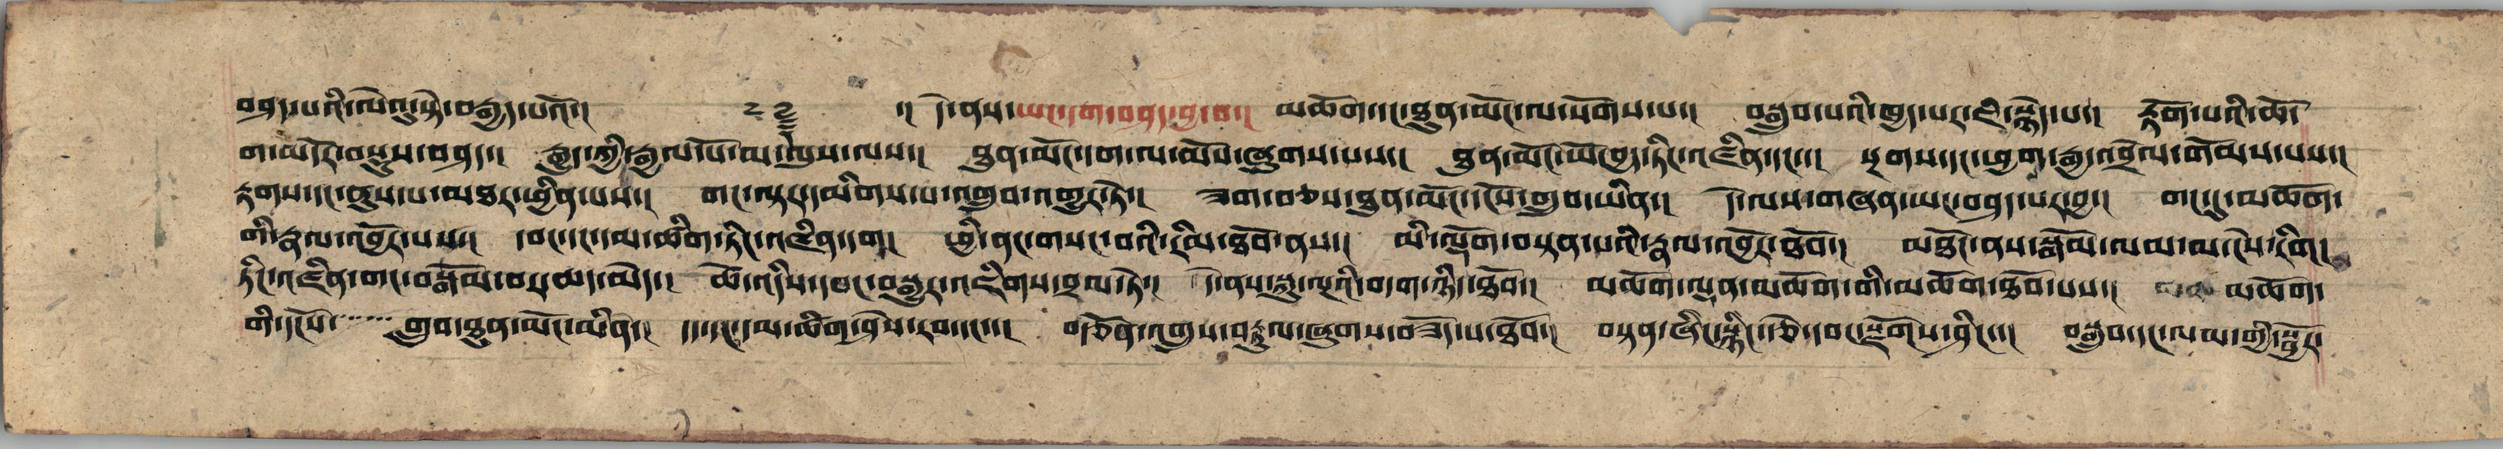བཤད་པའི་ལེའུ་སྟེ་བརྒྱད་པའོ་། ༈ ་། དེ་ནས་ཡང་དག་བཤད་བྱ་བ་། མཆོག་དང་ཐུན་མོང་ལ་སོགས་པ་། བསྒྲུབ་པའི་ཁྱད་པར་ཇི་སྙེད་པ་། རྟོག་པའི་ཆོ་
ག་མདོར་བསྡུས་བཤད་། རྒྱུད་ཀྱི་རྒྱལ་པོ་མ་ལུས་ལས་། ཐུན་མོང་དག་ལ་མོས་ཞུགས་པས་། ཐུན་མོང་ཡོ་བྱད་ཏིང་འཛིན་དང་་། སྔགས་དང་ཕྱགས་རྒྱ་འབྲེལ་གོམས་པས་།
རྟགས་དང་ནུས་པ་མཐར་ཕྱིན་པས་། གང་ལྟར་དམིགས་པ་འགྲུབ་འགྱུར་ཏེ་། ཟག་བཅས་ཐུན་མོང་དངོས་གྲུབ་ཡིན་། དེ་ལས་གཞན་ཡང་བཤད་པར་བྱ་། གང་དུ་མཆོག་
གི་རྣལ་འབྱོར་པས་། དབང་དང་དམ་ཚིག་ཏིང་འཛིན་དག། ཕྱི་ནང་གསང་བའི་རིམ་ཐོབ་ནས་། མི་ལྡོག་བསྟན་པའི་རྣལ་འབྱོར་ཐོབ་། མཐོང་ནས་སྒོམ་ལམ་མ་ངེས་རིག།
ཏིང་འཛིན་གང་བསྒོམ་བར་ཆད་མེད་། ཚེ་འདིས་དབང་བསྒྱུར་འཇིགས་བྲལ་ཏེ་། དེ་ནས་སྐུ་ལྔའི་བདག་ཉིད་ཐོབ་། མཆོག་ལྡན་མཆོག་གི་མཆོག་ཐོབ་པས་། མཆོག་
གི་དངོས་་་་་་་་གྲུབ་ཐུན་མོང་མིན་། དད་དང་དམ་ཚིག་ཤེས་རབ་དང་་། བརྩོན་འགྲུས་བརྟུལ་ཞུགས་བཟོད་པ་ཐོབ་། བསྟན་ཞིང་སྙིང་རྩེ་དབང་སྫོགས་ཤིང་་། བསྒྲུབ་དང་ལམ་གྱི་སྦྱོར་